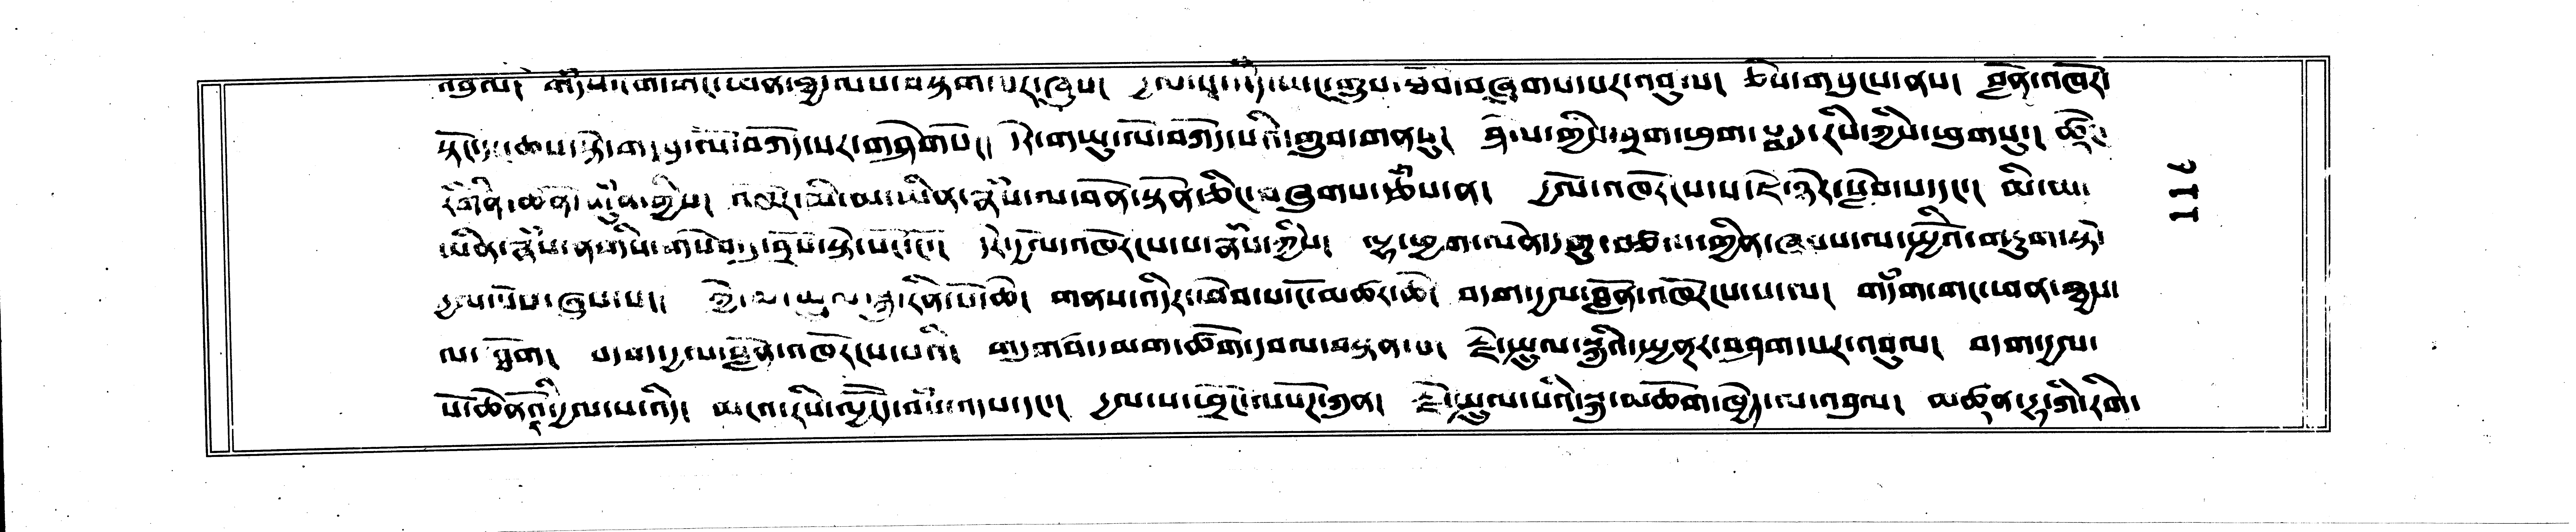འབུལ། གདམས་ངག་གང་ཕན་ཐུགས་ལ་བཏགས་པར་ཞུས། རྒྱལ་ས་འདི་ཡང་གྲུབ་ཐོབ་བཞུགས་སར་འབུལ། ཅེས་གསུངས་ནས་བློན་འཁོར་
སྟོང་དང་ཆས་ཏེ་གཡུ་ལོ་བཀོད་པར་གཤེགས་སོ། །དེར་གཡུ་ལོ་བཀོད་པའི་གྲུབ་གནས་སུ། ཤེལ་གྱི་བྲག་ཕུག་པདྨ་རིས་ཀྱི་ཕུགས་སུ། ཚེ་དབང་
རིག་འཛིན་ཆེན་པོ་ཡབ་ཡུམ་གྱིས། འཁོར་མི་མ་ཡིན་རྣམས་ལ་བོན་སྟོན་ཅིང་བཞུགས་ཙམ་ན། རྒྱལ་པོ་འཁོར་དང་བཅས་པ་ཇེ་ཉེར་སླེབས་པ་དང་། མི་མ་
ཡིན་རྣམས་ནགས་ཀྱི་གསེབ་ཏུ་བྲོས་ཏེ་སོང་ངོ་། དེར་རྒྱལ་པོ་འཁོར་དང་བཅས་པ་རྣམས་ཀྱིས། ལྷ་ཕྱག་ལན་དགུ་བཙལ་གྱིན་ཞབས་ལ་སྤྱི་བོས་གཏུགས་ཏེ་
རྒྱལ་པོས་ཞུས་པ། ཀྱེ་མ་སྤྲུལ་སྐུ་རིན་པོ་ཆེ། གནས་འདིར་ཕེབས་པ་ངོ་མཚར་ཆེ། བདག་རྒྱལ་བློན་འཁོར་དང་བཅས་པ་ལ། གདམས་ངག་གང་ཕན་ཐུགས་
ལ་ཐོགས། བདག་རྒྱལ་བློན་འཁོར་དང་བཅས་པ་ཡིས། གདུག་རྩུབ་དམག་ཚོགས་དབལ་བསྟན་པ། རྗེ་སྤྲུལ་སྐུའི་སྤྱན་སྔར་བཤགས་པ་འབུལ། བདག་རྒྱལ་
པོ་ཆེན་པོའི་རྒྱལ་ས་འདི། མངའ་རིས་ལོངས་སྤྱོད་བསམ་འདས་དང་། རྒྱལ་ས་ཕོ་བྲང་ལ་སོགས་ཀུན། རྗེ་སྤྲུལ་པའི་སྐུ་མཆོག་ཁྱེད་ལ་འབུལ། མཚན་ལྡན་དྷ་ཀི་རིག་